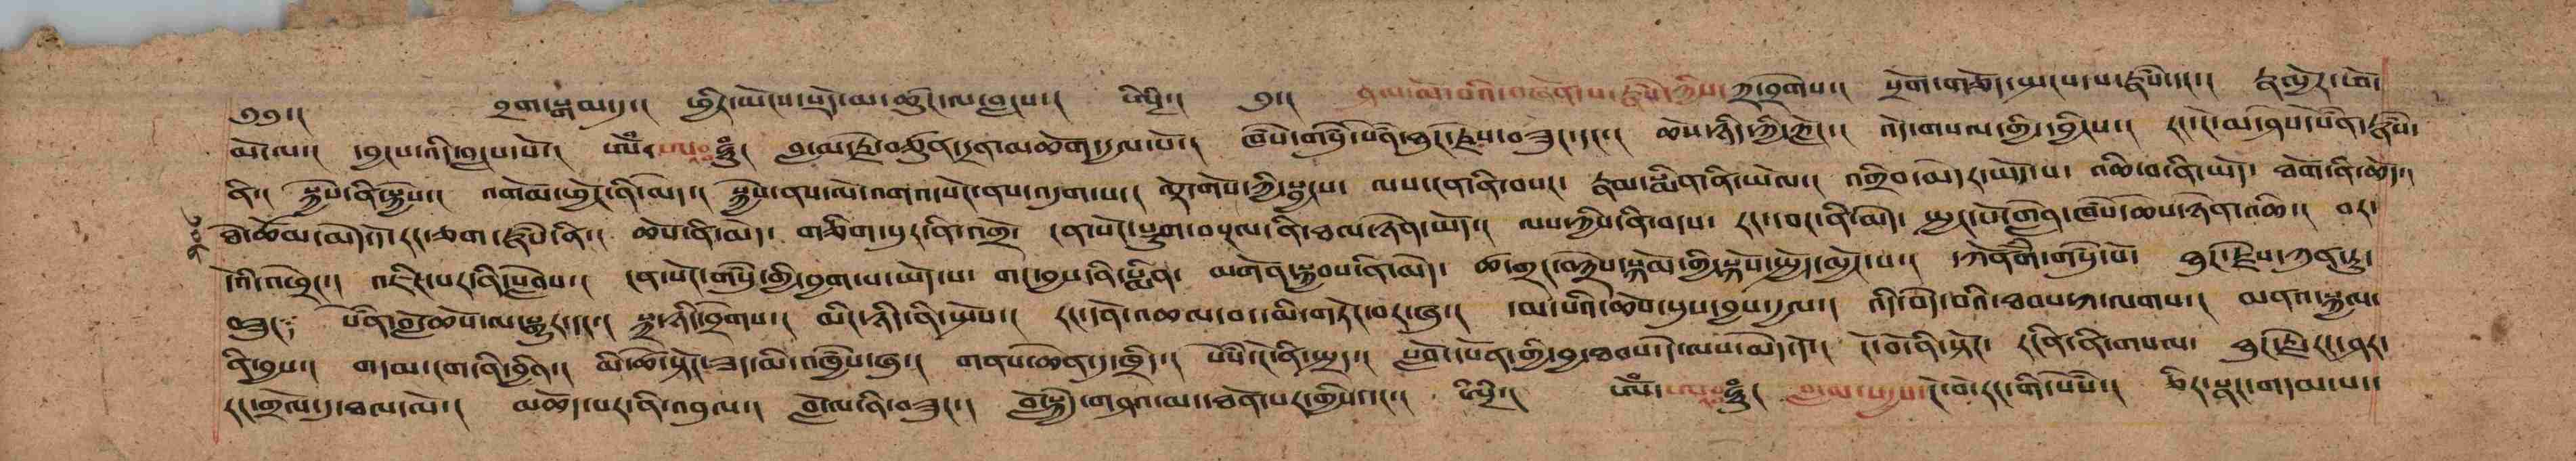༄༅་། བྲག་སྐམ་དུ། ཕྱིར་ཡོངས་སྡོད་མ་ཚུགས་ལ་བླངས། ཨིཊི། ༄་། ཤམ་མོ་བའི་བཞོན་པ་རྣམས་ཀྱིས་ཀྲ་བྲེགས། སྲོག་གཅོད་སྤངས་པ་རྣམས་དང་། རྣལ་འབྱོར་ཕོ་
མོ་ལ། དབྱངས་འདི་བླངས་སོ། ཨོྃ་ཨཱཿཧཱུཾ། བླ་མ་རྗེ་བཙུན་དྲན་མཆོག་རྒྱལ་པོ། ཁམས་གསུམ་སེམས་ཅན་ཐུགས་རྗེས་བཟུང་དང་། ཆོས་ཉིད་ཀྱི་ཀློང་། འོད་གསལ་གྱི་དབྱིངས། རང་ངོ་མ་ཤེས་སེམས་ཅན་རྣམས་
ནི། སྐྱེས་ནི་སྐྱེས། འགོམ་ཕྱོགས་ནི་མེད། སྐྱེས་ནས་ལོ་འགའ་སོང་ནས་འདུག་པ། ལྟོ་གོས་ཀྱི་སྦྱངས། ལས་ངན་ནི་བསགས། རྣམ་སྨིན་ནི་ཡེལ། འགྲིབ་མེད་པར་ཡོད་པ། འཆི་བ་ནི་ཡོད། ཐོག་ནི་ཆོད་
ཐེ་ཚོམ་མེད་དོ་རང་ཅག་རྣམས་ནི། ཆོས་ནི་མེད། གཅིག་པུར་ནི་འགྲོ། ངན་སོང་སྡུག་བསྔལ་ནི་ཐལ་ཉེན་ཡོད། ལས་ཀྱིས་ནི་བདས། རང་དབང་ནི་མེད། སྤྱང་པོ་གླེན་ཁམས་ཆེས་ཉེན་འཆི། བར་
དོའི་འཕྲེང་། འཇིགས་པར་ནི་སླེབས། ངན་སོང་གསུམ་གྱི་བྱག་པ་ཡོད་པ། གང་བྱས་ནི་སྨིན། མགོན་སྐྱབས་ནི་མེད། ཚ་གྲང་བཀྲེས་སྐོམ་གྱི་སྐོས་སྤྱོད་མྱོང་པ། དཀོན་མཆོག་གསུམ་པོ། ཐུགས་རྗེས་ཀུན་ཏུ་
བཟུང་༑ སེམས་ཅན་བློ་ཆོས་མ་སྒྱུར་དང་། སྐྲ་ཉིད་བྲེགས། མིང་ཉིད་ནི་སྤོས། རང་དོན་འཆལ་བད་མི་གཏོང་བར་ཞུ། དམ་པའི་ཆོས་སུས་བྱས་རྒྱལ། འདི་བདེ་བའི་ཐབས་ཀ་ལགས། མནའ་སྐྱལ་
ནི་བྱས། གདམ་ངག་ནི་བྱིན། མི་ཚེ་སྟོང་ཟད་མི་འཁྱམས་ཞུ། གནས་ཆེན་དུ་ཁྲིད། སེམས་ངོ་ནི་སྤྲད། སློབ་དཔོན་གྱི་བྱ་ཐབས་དེ་ལས་མེད་དོ། ངོ་བོ་ནི་སྟོང་། རང་བཞིན་ནི་གསལ། ཐུགས་རྗེ་རང་ཤར་
རང་གྲོལ་དུ་ཐལ་ལོ། མཆོད་པར་ནི་འབུལ། བློ་ལ་ནི་བཟུང་། བློ་སྐྱེད་གཤའ་མ་ཐོན་པར་གྱིས་དང་། ཨིཊི། ཨོཾཾ་ཨཱཿཧཱུཾ། བླ་མ་སངས་རྒྱས་ངོ་བོ་རང་གི་སེམས། ཅིར་སྣང་གདམ་པ་